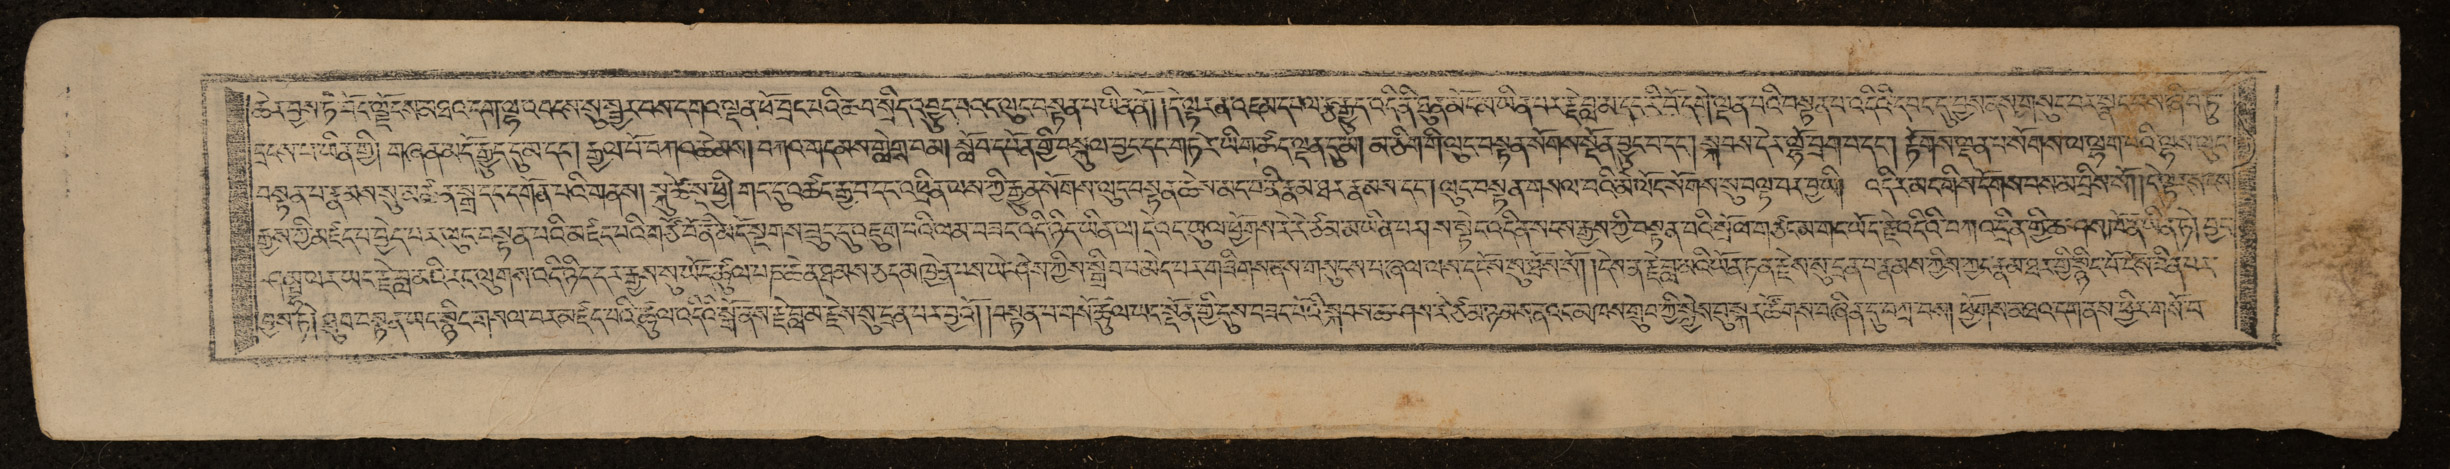ཆེར་བྱས་ཏེ་བོད་ལྗོངས་མཐའ་དག་ལྷ་འབངས་སུ་སྦྱར་བས་དགའ་ལྡན་ཕོ་བྲང་པའི་ཆབ་སྲིད་འབྱུང་བའང་ལུང་བསྟན་པ་ཡིན་ནོ། །དེ་ལྟར་ན་འཇམ་དཔལ་རྩ་རྒྱུད་འདི་ནི་ཐུན་མོང་མ་ཡིན་པར་རྗེ་བླ་མ་དང་རི་བོ་དགེ་ལྡན་པའི་བསྟན་པ་འདིའི་དབང་དུ་བྱས་ནས་གསུང་བར་སྣང་བས་ཞིབ་ཏུ་
དྲངས་པ་ཡིན་གྱི། གཞན་མདོ་རྒྱུད་དུ་མ་དང་། རྒྱལ་པོ་བཀའ་ཆེམས། བཀའ་གདམས་གླེགས་བམ། སློབ་དཔོན་གྱི་བསྐུལ་བྱང་དང་གཏེར་ཡིག་ཚད་ལྡན་དུ་མ། མ་ཅིག་གི་ལུང་བསྟན་སོགས་སྔོན་བྱུང་བ་དང་། སྐབས་དེར་ལྷོ་བྲག་པ་དང་། རྟོགས་ལྡན་པ་སོགས་ལ་ལྷག་པའི་ལྷས་ལུང་
བསྟན་ལ་རྣམས་སུ་མཚན་སྒྲ་དང་དགོན་པའི་གནས། སྐུ་ཚེ་སྔ་ཕྱི། གང་དུ་འཚང་རྒྱ་བ་དང་འཕྲིན་ལས་ཀྱི་རྒྱུན་སོགས་ལུང་བསྟན་ཆེས་མང་བ་ནི་རྣམ་ཐར་རྣམས་དང་། ལུང་བསྟན་གསལ་བའི་མེ་ལོང་སོགས་སུ་བལྟ་བར་བྱ་ཡི། འདིར་མང་གིས་དོགས་བསམ་བྲིས་སོ། །དེ་ལྟར་སངས་
རྒྱས་ཀྱི་མཛད་པ་བྱེད་པར་ལུང་བསྟན་བའི་མཛད་པའི་གཙོ་བོ་ནི་མདོ་སྔགས་ཟུང་དུ་འཇུག་པའི་ལམ་བཟང་འདི་ཉིད་ཡིན་ལ། དེའང་ཡུལ་ཕྱོགས་རེ་རེ་ཙམ་མ་ཡིན་པར། ས་སྟེང་འདི་ན་སངས་རྒྱས་ཀྱི་བསྟན་པའི་སྲོལ་གཙང་མ་གང་ཡོད་རྗེ་འདིའི་བཀའ་དྲིན་གྱི་ཆ་ཤས་ཁོ་ན་ཡིན་ཏེ། བྱང་
ཤམྦྷ་ལར་མང་རྗེ་བླ་མའི་རིང་ལུགས་འདི་ཉིད་དར་རྒྱས་སུ་ཡོད་ཚུལ་པཎ་ཆེན་ཐམས་ཅད་མཁྱེན་པས་ཡེ་ཤེས་ཀྱིས་སྒྲིབ་པ་མེད་པར་གཟིགས་ནས་གསུངས་པ་ཞལ་ལས་དངོས་སུ་ཐོས་སོ། །དེས་ན་རྗེ་བླ་མའི་ཡོན་ཏན་རྗེས་སུ་དྲན་པ་རྣམས་ཀྱིས་ཀྱང་རྣམ་ཐར་གྱི་སྙིང་པོ་ངོས་ཟིན་པར་
བྱས་ཏེ། ཐུབ་བསྟན་ཡང་སྙིང་གསལ་བར་མཛད་པའི་ཚུལ་འདིའི་སྒོ་ནས་རྗེ་བླ་མ་རྗེས་སུ་དྲན་པར་བྱའོ། །བསྟན་པ་གསོ་ཚུལ་ཡང་སྔོན་གྱི་དུས་བཟང་པོའི་སྐབས་ཆ་ཤས་རེ་ཙམ་ཉམས་ནའང་མཁས་གྲུབ་ཀྱི་སྐྱེས་བུ་སྐར་ཚོགས་བཞིན་དུ་བཀྲ་བས། ཕྱོགས་མཐའ་དག་ནས་ཕྱིར་གསོ་བ་